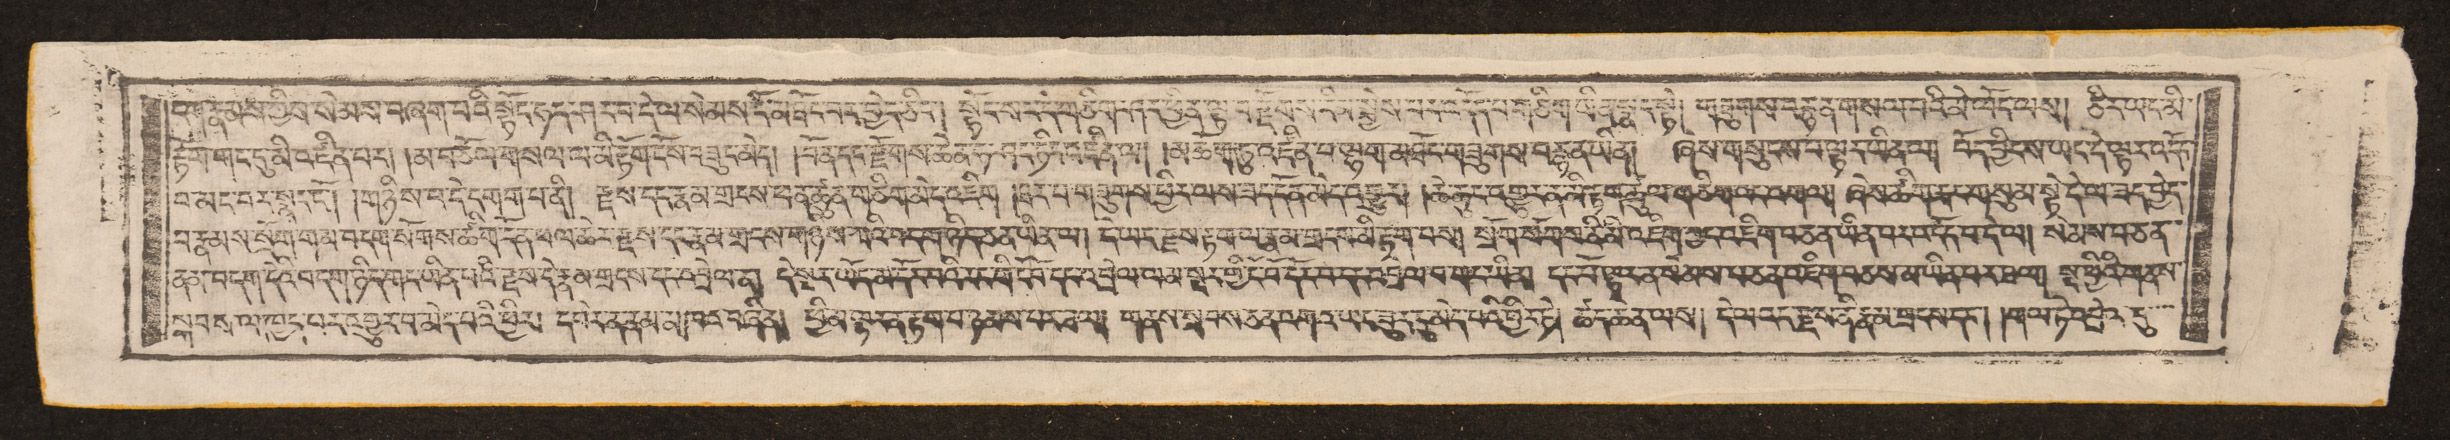དག་རྣམས་ཀྱིས་སེམས་བཞག་པའི་སྟོང་?་ཧད་ཤར་བ་དེ་ལ་སེམས་དོ་མཐོང་བར་བྱེད་ཅིང་། སྟོང་སང་?་དེ་གཅིག་ཤར་ཕྱིན་ལྟ་བ་རྫོགས་རིམ་སྐྱེས་པར་འདོད་པ་གཅིག་ཡིན་སྣང་སྟེ། གཟུགས་བརྙན་གསལ་བའི་མེ་ལོང་ལས། ཅིར་ཡང་མི་
རྟོག་གང་དུ་མི་འཛིན་པར། །མ་བཅོལ་གསལ་ལ་མི་རྟོག་དོས་བཟུང་མེད། །བོན་དང་རྫོགས་ཆེན་ཧ་ཤང་ཏིང་འཛིན་ལ། །མཆོག་ཏུ་འཛིན་པ་ལྷག་མཐོང་གཟུགས་བརྙན་ཡིན། ཞེས་གསུངས་པ་ལྟར་ཡིན་ལ། པོད་བྱིངས་ཡང་དེ་ལྟར་འདོད་
པ་མང་བར་སྣང་ངོ། །གཉིས་པ་དེ་དགག་པ་ནི། རྫས་དང་རྣམ་གྲངས་ཕན་ཚུན་གཅིག་མེད་འཇིག །ཐར་པ་གཟུགས་ཕྱིར་ལས་ཟད་དོན་མེད་འགྱུར། །ཆེ་ཆུང་འགྱུར་ན་ནི་རྟག་ཚུལ་གཅིག་འྔའ་?་གལ། ཞེས་ཚིག་རྐང་གསུམ་སྟེ་དེ་ལ་ཟད་བྱེད་
པ་རྣམས་སྲོག་གམ་བདག་སོགས་ཚིག་དོན་ཕལ་ཆེར་རྫས་དང་རྣམ་གྲངས་གཉིས་ཀའི་བདག་ཉིད་ཅན་ཡིན་ལ། དེ་ཡང་རྫས་རྟག་ལ་རྣམ་གྲངས་མི་རྟག་པས། སྲོག་སོགས་ནི་མི་འཇིག་ཀྱང་འཇིག་པ་ཅན་ཡིན་པར་འདོད་པ་དེ་ལ། སེམས་བ་ཅན་
ནམ་བདག་དེའི་བདག་ཉིད་གང་ཡིན་པའི་རྫས་དེ་རྣམ་གྲངས་དང་འབྲེལ་ན། དེ་སྔར་ཡོད་མདོར་བའི་རང་གི་ངོ་བོ་དང་འབྲེལ་ལམ་སྔར་གྱི་ངོ་བོ་དོར་བ་དང་འབྲེལ་བ་གང་ཡིན། དང་པོ་ལྟར་ན་སེམས་པ་ཅན་འཇིག་བཅས་མ་ཡིན་བར་ཐལ། སྔ་ཕྱིའི་གནས་
སྐབས་ལ་ཁྱད་པར་འགྱུར་བ་མེད་པའི་ཕྱིར། དཔེར་ན་ནམ་མཁའ་བཞིན། ཕྱི་མ་ལྟར་ན་རྟག་པ་ཉམས་པར་ཐལ། གནས་སྐབས་ཅན་འགའ་ཡང་ཟུར་དུ་མེད་པའི་ཕྱིར་ཏེ། ཚད་ཆེན་ལས། དེ་ལའང་རྫས་ནི་རྣམ་གྲངས་དང་། །གལ་ཏེ་འབྲེལ་དུ་